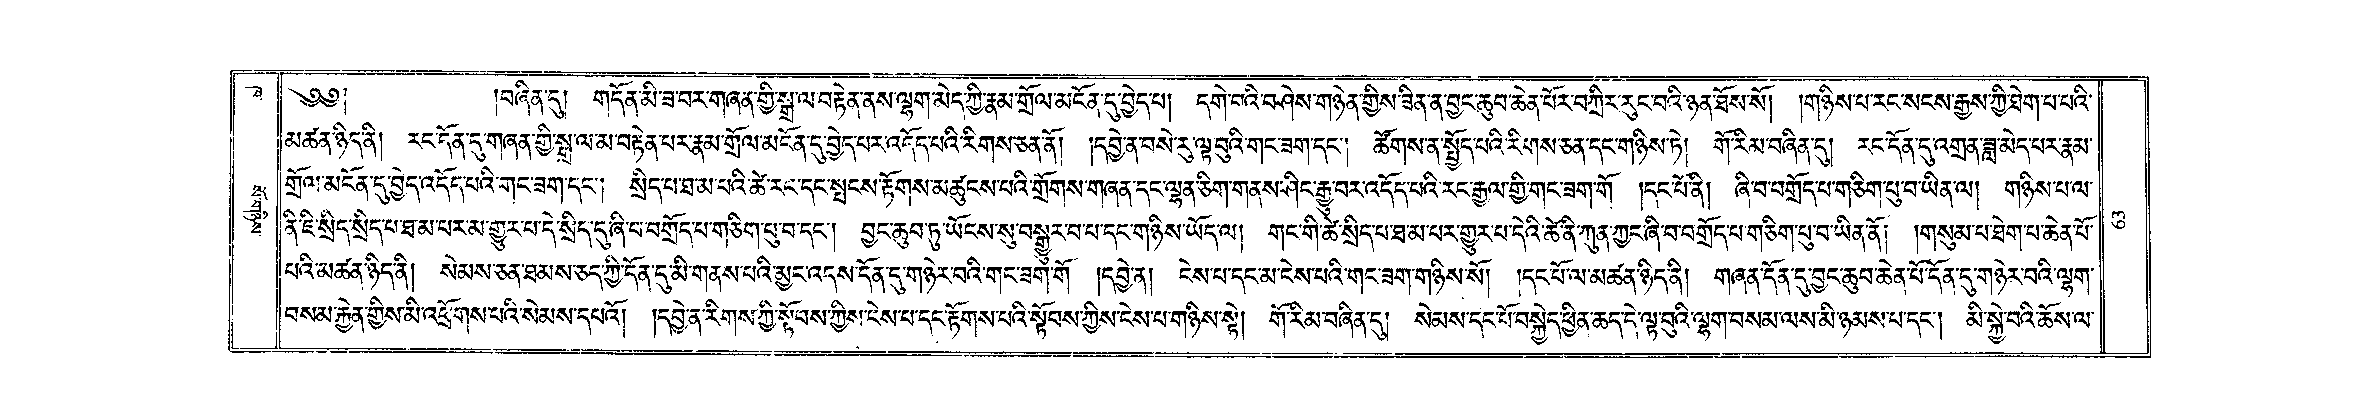༄༅། །བཞིན་དུ། གདོན་མི་ཟ་བར་གཞན་གྱི་སྒྲ་ལ་བརྟེན་ནས་ལྷག་མེད་ཀྱི་རྣམ་གྲོལ་མངོན་དུ་བྱེད་པ། དགེ་བའི་བཤེས་གཉེན་གྱིས་ཟིན་ན་བྱང་ཆུབ་ཆེན་པོར་བཀྲིར་རུང་བའི་ཉན་ཐོས་སོ། །གཉིས་པ་རང་སངས་རྒྱས་ཀྱི་ཐེག་པ་པའི་
མཚན་ཉིད་ནི། རང་དོན་དུ་གཞན་གྱི་སྒྲ་ལ་མ་བརྟེན་པར་རྣམ་གྲོལ་མངོན་དུ་བྱེད་པར་འདོད་པའི་རིགས་ཅན་ནོ། །དབྱེ་ན་བསེ་རུ་ལྟ་བུའི་གང་ཟག་དང་། ཚོགས་ན་སྤྱོད་པའི་རིགས་ཅན་དང་གཉིས་ཏེ། གོ་རིམ་བཞིན་དུ། རང་དོན་དུ་འགྲན་ཟླ་མེད་པར་རྣམ་
གྲོལ་མངོན་དུ་བྱེད་འདོད་པའི་གང་ཟག་དང་། སྲིད་པ་ཐ་མ་པའི་ཚེ་རང་དང་སྤངས་རྟོགས་མཚུངས་པའི་གྲོགས་གཞན་དང་ལྷན་ཅིག་གནས་ཤིང་རྒྱུ་བར་འདོད་པའི་རང་རྒྱལ་གྱི་གང་ཟག་གོ །དང་པོ་ནི། ཞི་བ་བགྲོད་པ་གཅིག་པུ་བ་ཡིན་ལ། གཉིས་པ་ལ་
ནི་ཇི་སྲིད་སྲིད་པ་ཐ་མ་པར་མ་གྱུར་པ་དེ་སྲིད་དུ་ཞི་བ་བགྲོད་པ་གཅིག་པུ་བ་དང་། བྱང་ཆུབ་ཏུ་ཡོངས་སུ་བསྒྱུར་བ་པ་དང་གཉིས་ཡོད་ལ། གང་གི་ཚེ་སྲིད་པ་ཐ་མ་པར་གྱུར་པ་དེའི་ཚེ་ནི་ཀུན་ཀྱང་ཞི་བ་བགྲོད་པ་གཅིག་པུ་བ་ཡིན་ནོ། །གསུམ་པ་ཐེག་པ་ཆེན་པོ་
པའི་མཚན་ཉིད་ནི། སེམས་ཅན་ཐམས་ཅད་ཀྱི་དོན་དུ་མི་གནས་པའི་མྱང་འདས་དོན་དུ་གཉེར་བའི་གང་ཟག་གོ །དབྱེ་ན། ངེས་པ་དང་མ་ངེས་པའི་གང་ཟག་གཉིས་སོ། །དང་པོ་ལ་མཚན་ཉིད་ནི། གཞན་དོན་དུ་བྱང་ཆུབ་ཆེན་པོ་དོན་དུ་གཉེར་བའི་ལྷག་
བསམ་རྐྱེན་གྱིས་མི་འཕྲོགས་པའི་སེམས་དཔའོ། །དབྱེ་ན་རིགས་ཀྱི་སྟོབས་ཀྱིས་ངེས་པ་དང་རྟོགས་པའི་སྟོབས་ཀྱིས་ངེས་པ་གཉིས་སྟེ། གོ་རིམ་བཞིན་དུ། སེམས་དང་པོ་བསྐྱེད་ཕྱིན་ཆད་དེ་ལྟ་བུའི་ལྷག་བསམ་ལས་མི་ཉམས་པ་དང་། མི་སྐྱེ་བའི་ཆོས་ལ་